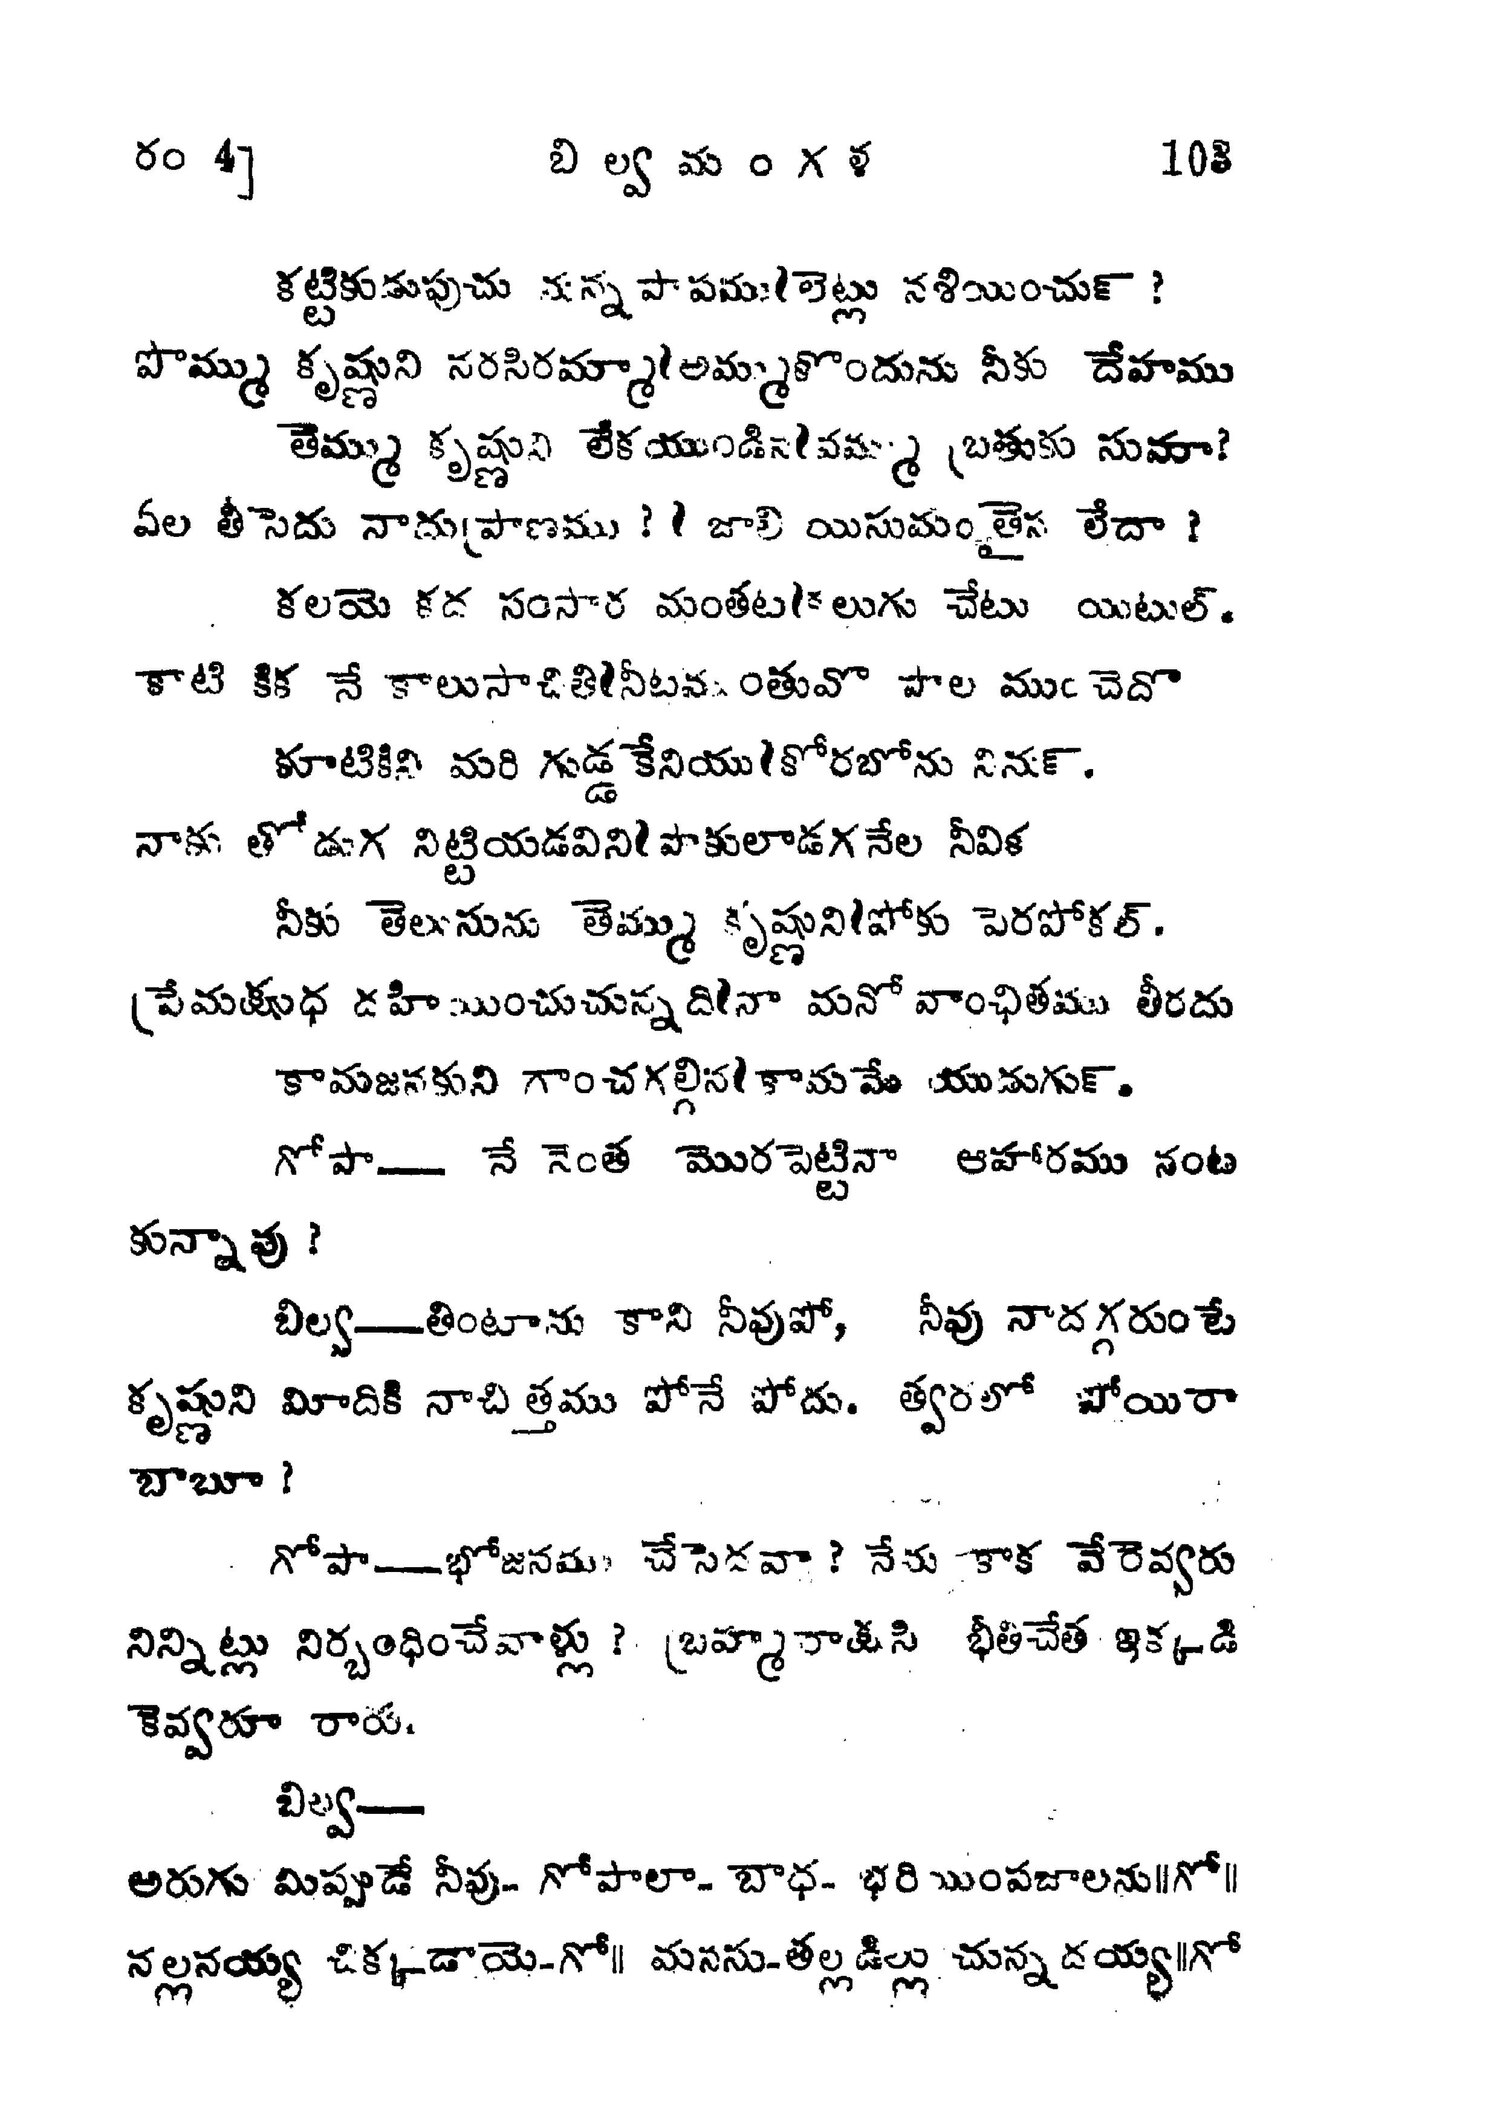కట్టికుడుపుచు నున్న పాపము ♦ లెట్లు నశియించున్?
 పొమ్ము కృష్ణుని నరసిరమ్మా ♦ అమ్ముకొందును నీకు దేహము
 తెమ్ము కృష్ణుని లేకయుండిన ♦ వమ్ము బ్రతుకు సుమా?
 ఏల తీసెదు నాదుప్రాణము ? ♦ జాలి యిసుమంతైన లేదా ?
 కలయె కద సంసార మంతట ♦ కలుగు చేటు యిటుల్.
 కాటి కిక నే కాలుసాచితి ♦ నీటముంతువొ పాల ముంచెదొ
 కూటికిని మరి గుడ్డకేనియు ♦ కోరబోను నినున్.
 నాకు తోడుగ నిట్టియడవిని ♦ పాకులాడగనేల నీవిక
 నీకు తెలుసును తెమ్ము కృష్ణుని ♦ పోకు పెరపోకల్.
 ప్రేమక్షుధ దహియించుచున్నది ♦ నా మనో వాంఛితము తీరదు
 కామజనకుని గాంచగల్గిన ♦ కామమే యడుగున్.

గోపా - నే నెంత మొరపెట్టినా ఆహారము నంటకున్నావు?

బిల్వ - తింటాను కాని నీవుపో, నీవు నాదగ్గరుంటే కృష్ణుని మీదికి నాచిత్తము పోనే పోదు. త్వరలో పోయిరా బాబూ?

గోపా - భోజనము చేసెదవా ? నేను కాక వేరెవ్వరు నిన్నిట్లు నిర్బంధించేవాళ్లు? బ్రహ్మారాక్షసి భీతిచేత ఇక్కడి కెవ్వరూ రారు.

బిల్వ -

 అరుగు మిప్పుడే నీవు - గోపాలా - బాధ - భరియింపజాలను ||గో||
 నల్లనయ్య చిక్కడాయె-గో|| మనసు-తల్లడిల్లు చున్నదయ్య||గో||